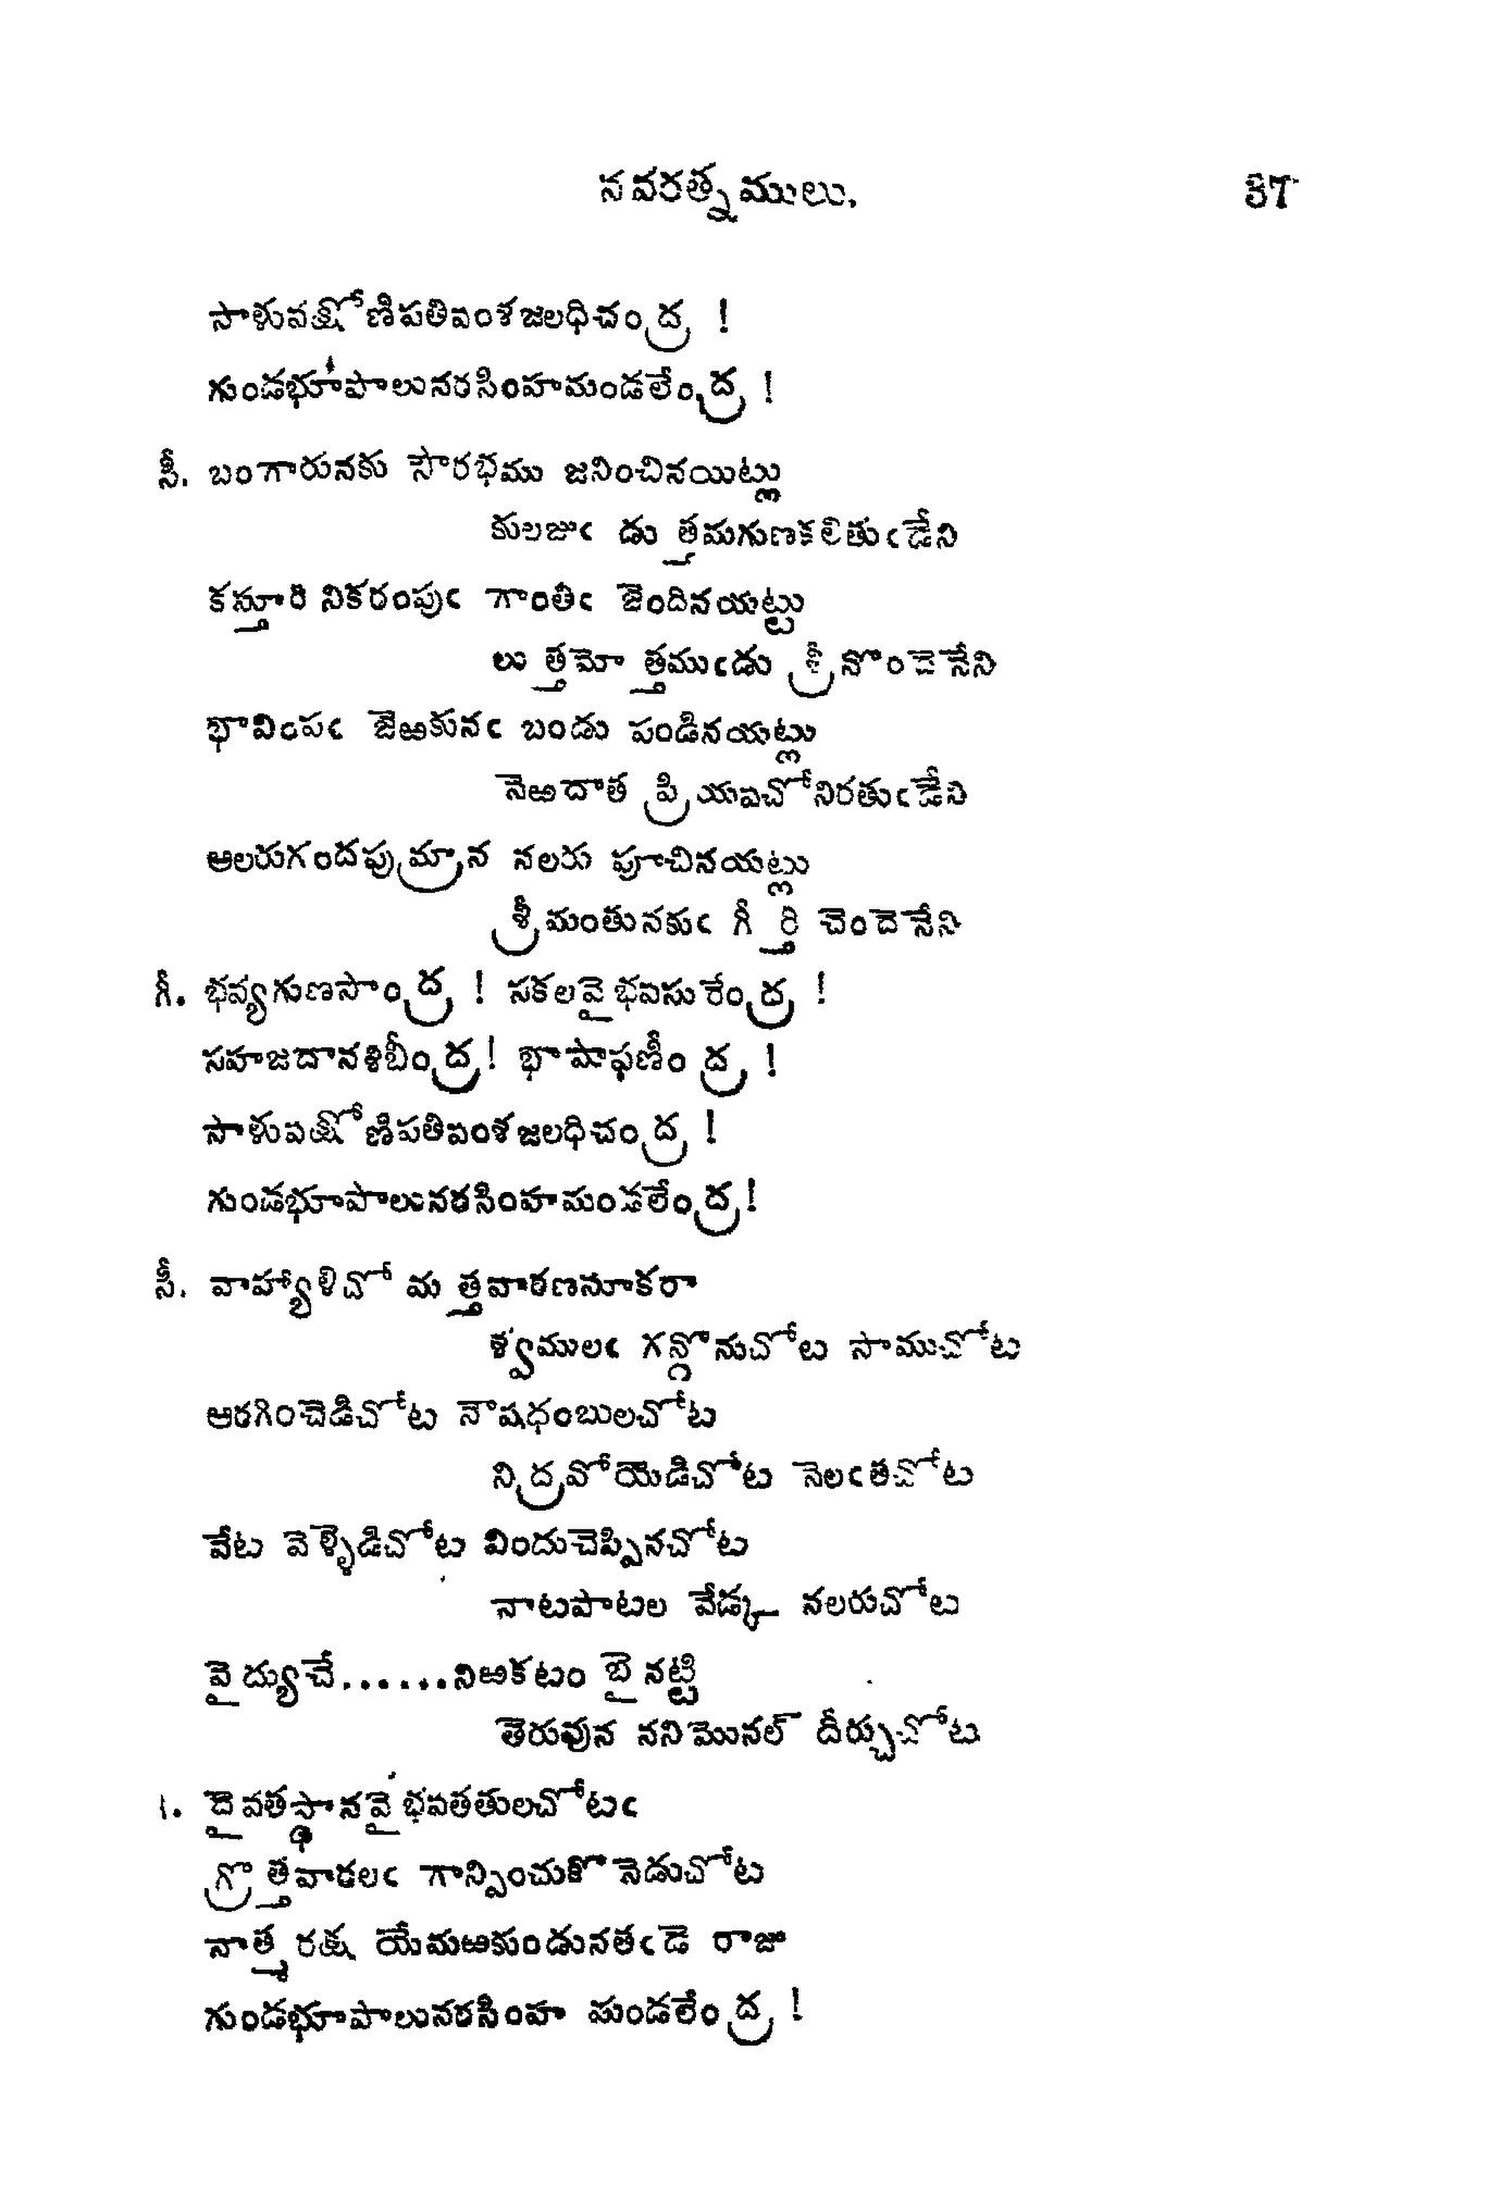సాళువక్షోణిపతివంశజలధిచంద్ర!
 గుండభూపాలునరసింహమండలేంద్ర!
సీ. బంగారునకు సౌరభము జనియించియట్లు
 కులజుఁ డుత్తమగుణకలితుఁడేని
 కస్తూరి నికరంపుఁ గాంతిఁ జెందినయట్టు
 లుత్తమోత్తముఁడు శ్రీనొందెనేని
 భావింపఁ జెఱకునఁ బండు పండినయట్లు
 నెఱదాత ప్రియవచోనిరతుఁడేని
 అలరుగందపుమ్రాన నలరు పూచినయట్లు
 శ్రీమంతునకుఁ గీర్తి చెందెనేని
గీ. భవ్యగుణసాంద్ర! సకలవైభవసురేంద్ర!
 సహజదానశిబీంద్ర! భాషాఫణీంద్ర!
 సాళువక్షోణిపతివంశజలధిచంద్ర!
 గుండభూపాలునరసింహమండలేంద్ర!
సీ. వాహ్యాళిచో మత్తవారణసూకరా
 శ్వములఁ గన్గొనుచోట సాముచోట
 ఆరగించెడిచోట నౌషధంబులుచోట
 నిద్రవోయెడిచోట నెలఁతచోట
 వేఁట వెళ్ళెడుచోట విందుచెప్పినచోట
 నాటపాటల వేడ్క నలరుచోట
 వైద్యుచే ......... నిఱకటం బైనట్టి
 తెరువున ననిమొనల్ దీర్చుచోట
గీ. దైవతస్థానవైభవతతులచోటఁ
 గ్రొత్తవారలఁ గాన్పించుకొనెడుచోట
 నాత్మరక్ష యేమఱకుండునతఁడె రాజు
 గుండభూపాలునరసింహమండలేంద్ర!